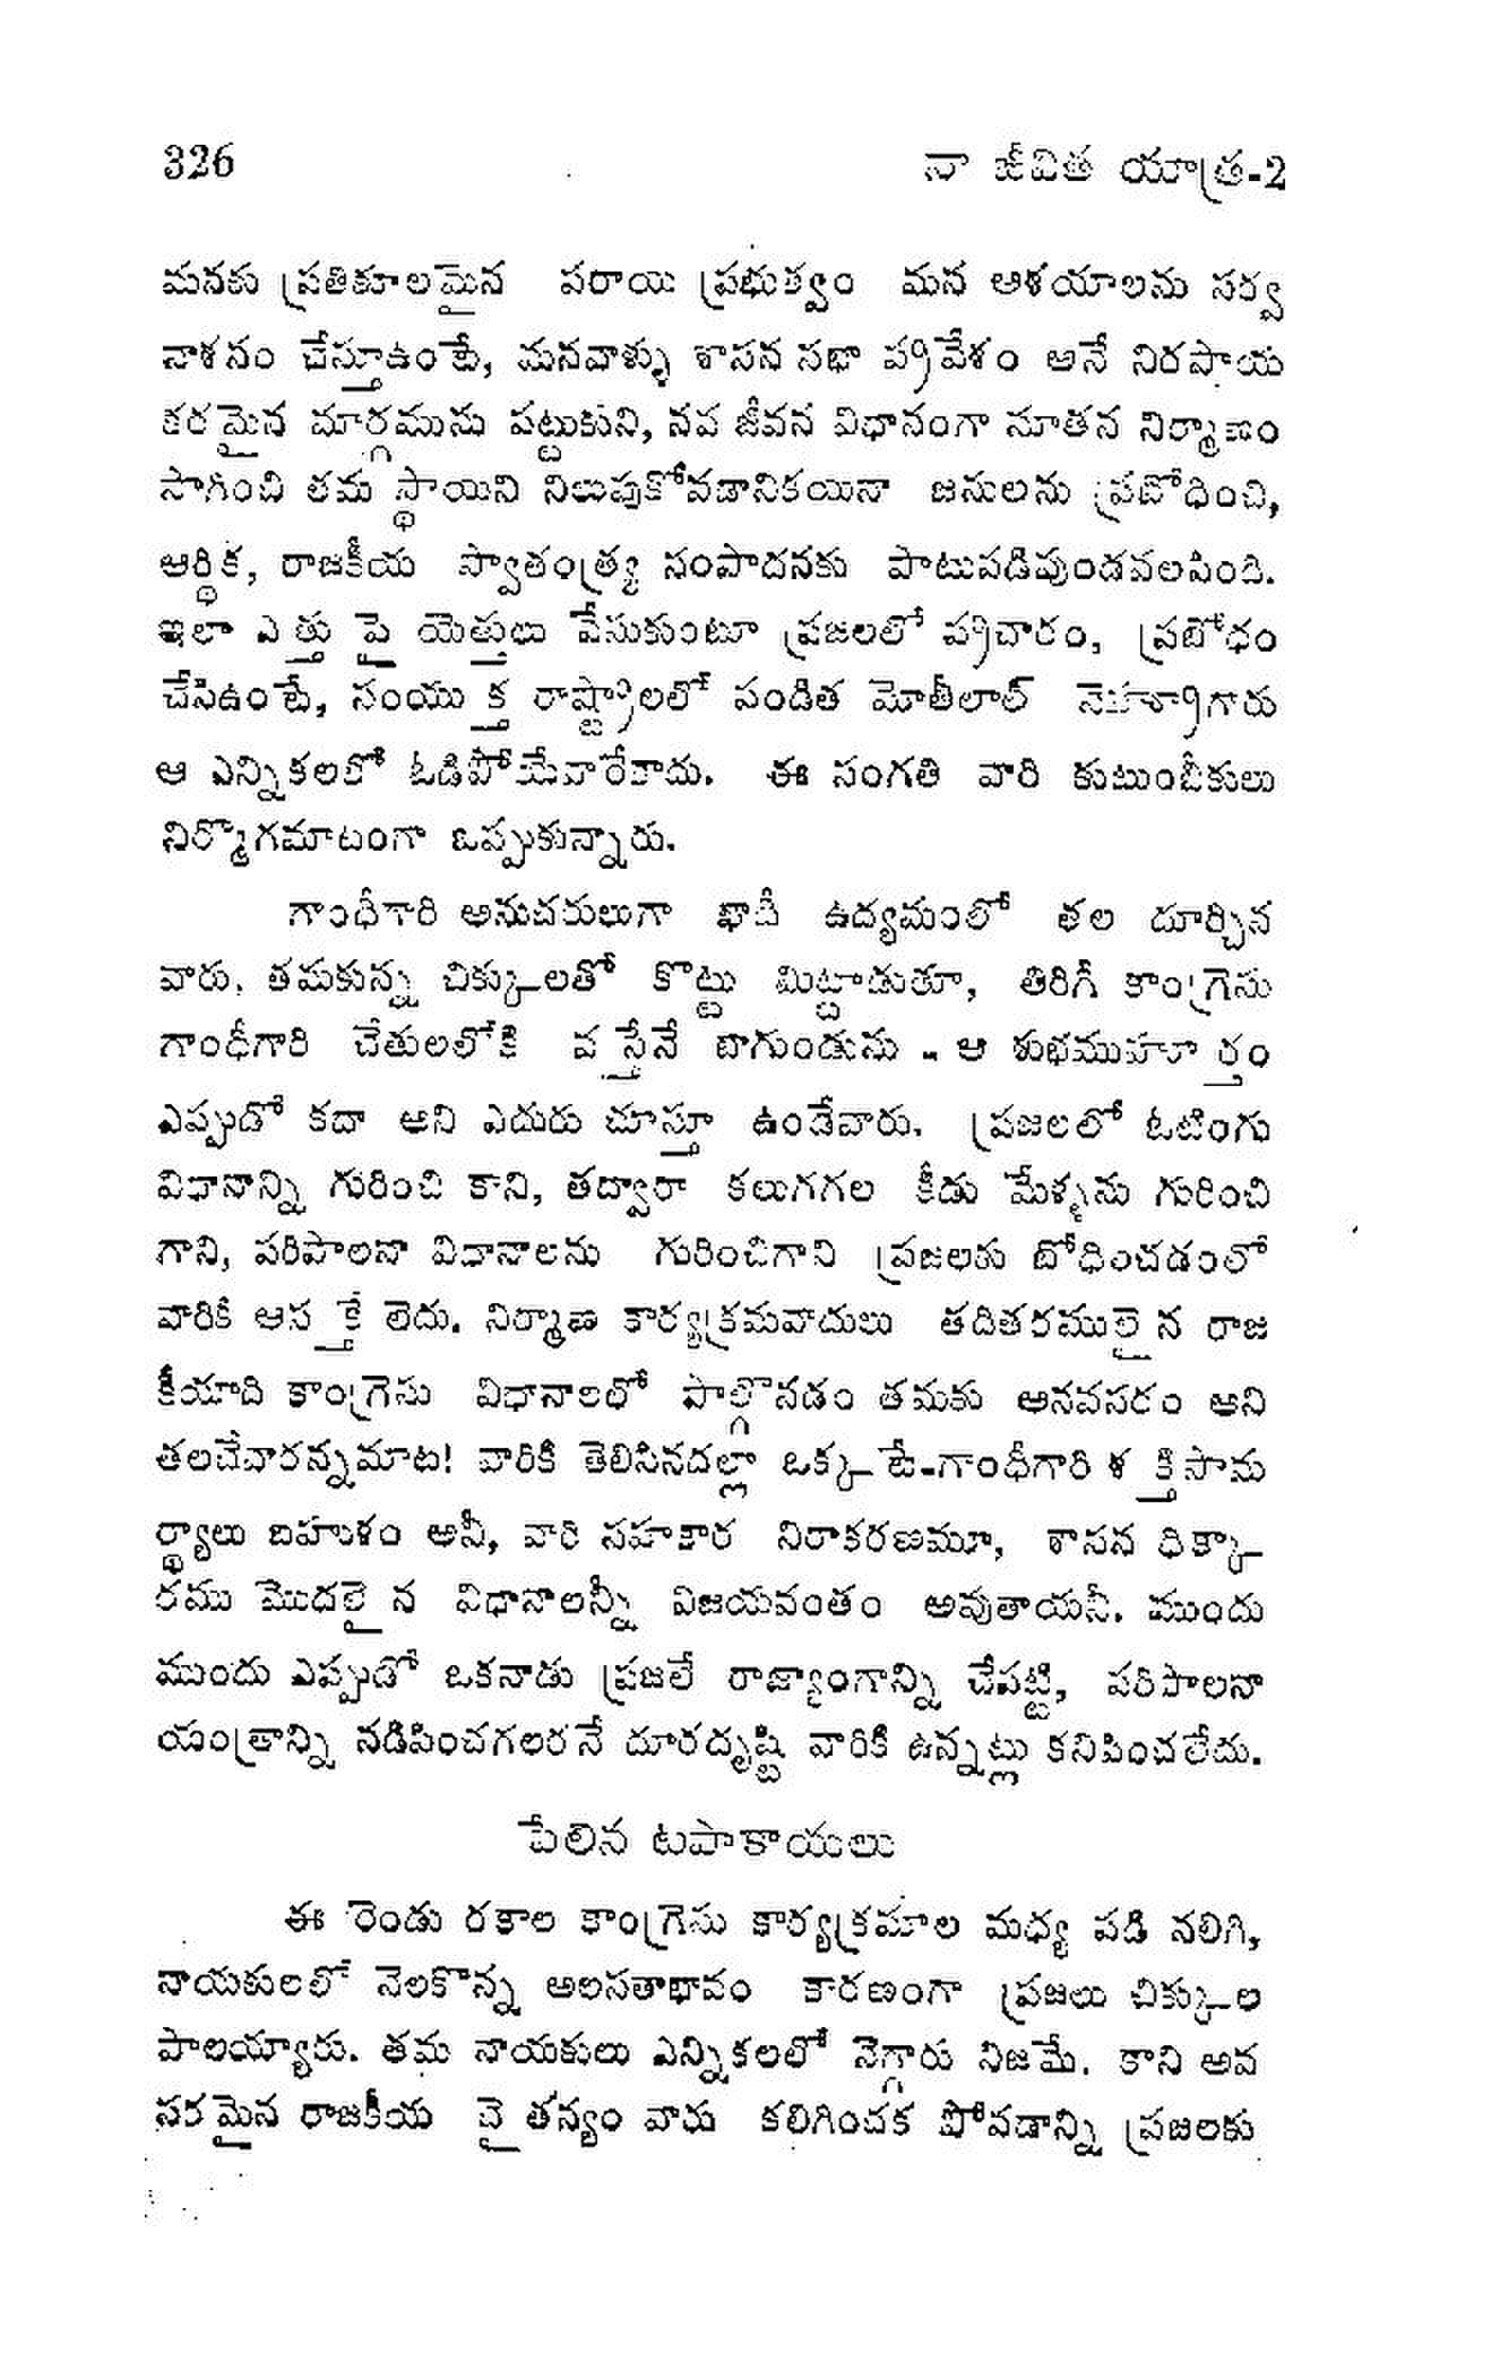మనకు ప్రతికూలమైన పరాయి ప్రభుత్వం మన ఆశయాలను సర్వనాశనం చేస్తూఉంటే, మనవాళ్ళు శాసన సభా ప్రవేశం అనే నిరపాయకరమైన మార్గమును పట్టుకుని, నవ జీవన విధానంగా నూతన నిర్మాణం సాగించి తమ స్థాయిని నిలుపుకోవడానికయినా జనులను ప్రబోధించి, ఆర్ధిక, రాజకీయ స్వాతంత్ర్య సంపాదనకు పాటుబడివుండవలసింది. ఇలా ఎత్తుపై యెత్తులు వేసుకుంటూ ప్రజలలో ప్రచారం, ప్రబోధం చేసిఉంటే, సంయుక్త రాష్ట్రాలలో పండిత మోతిలాల్ నెహ్రూగారు ఆ ఎన్నికలలో ఓడిపోయేవారేకాదు. ఈ సంగతి వారి కుటుంబీకులు నిర్మొగమాటంగా ఒప్పుకున్నారు.

గాంధీగారి అనుచరులుగా ఖాదీ ఉద్యమంలో తల దూర్చినవారు, తమకున్న చిక్కులతో కొట్టు మిట్టాడుతూ, తిరిగీ కాంగ్రెసు గాంధీగారి చేతులలోకి వస్తేనే బాగుండును-ఆ శుభముహూర్తం ఎప్పుడో కదా అని ఎదురు చూస్తూ ఉండేవారు. ప్రజలలో ఓటింగు విధానాన్ని గురించి కాని, తద్వారా కలుగగల కీడు మేళ్ళను గురించిగాని, పరిపాలనా విధానాలను గురించిగాని ప్రజలకు బోధించడంలో వారికి ఆసక్తే లేదు. నిర్మాణ కార్యక్రమవాదులు తదితరములైన రాజకీయాది కాంగ్రెసు విధానాలలో పాల్గొనడం తమకు అనవసరం అని తలచేవారన్నమాట! వారికి తెలిసినదల్లా ఒక్కటే-గాంధీగారి శక్తి సామర్థ్యాలు బహుళం అనీ, వారి సహకార నిరాకరణమూ, శాసన ధిక్కారము మొదలైన విధానాలన్నీ విజయవంతం అవుతాయనీ, ముందు ముందు ఎప్పుడో ఒకనాడు ప్రజలే రాజ్యాంగాన్ని చేపట్టి, పరిపాలనా యంత్రాన్ని నడిపించగలరనే దూరదృష్టి వారికి ఉన్నట్లు కనిపించలేదు.

ఈ రెండు రకాల కాంగ్రెసు కార్యక్రమాల మధ్య పడి నలిగి, నాయకులలో నెలకొన్న అలసతాభావం కారణంగా ప్రజలు చిక్కుల పాలయ్యారు. తమ నాయకులు ఎన్నికలలో నెగ్గారు నిజమే. కాని అవసరమైన రాజకీయ చైతన్యం వారు కలిగించక పోవడాన్ని ప్రజలకు